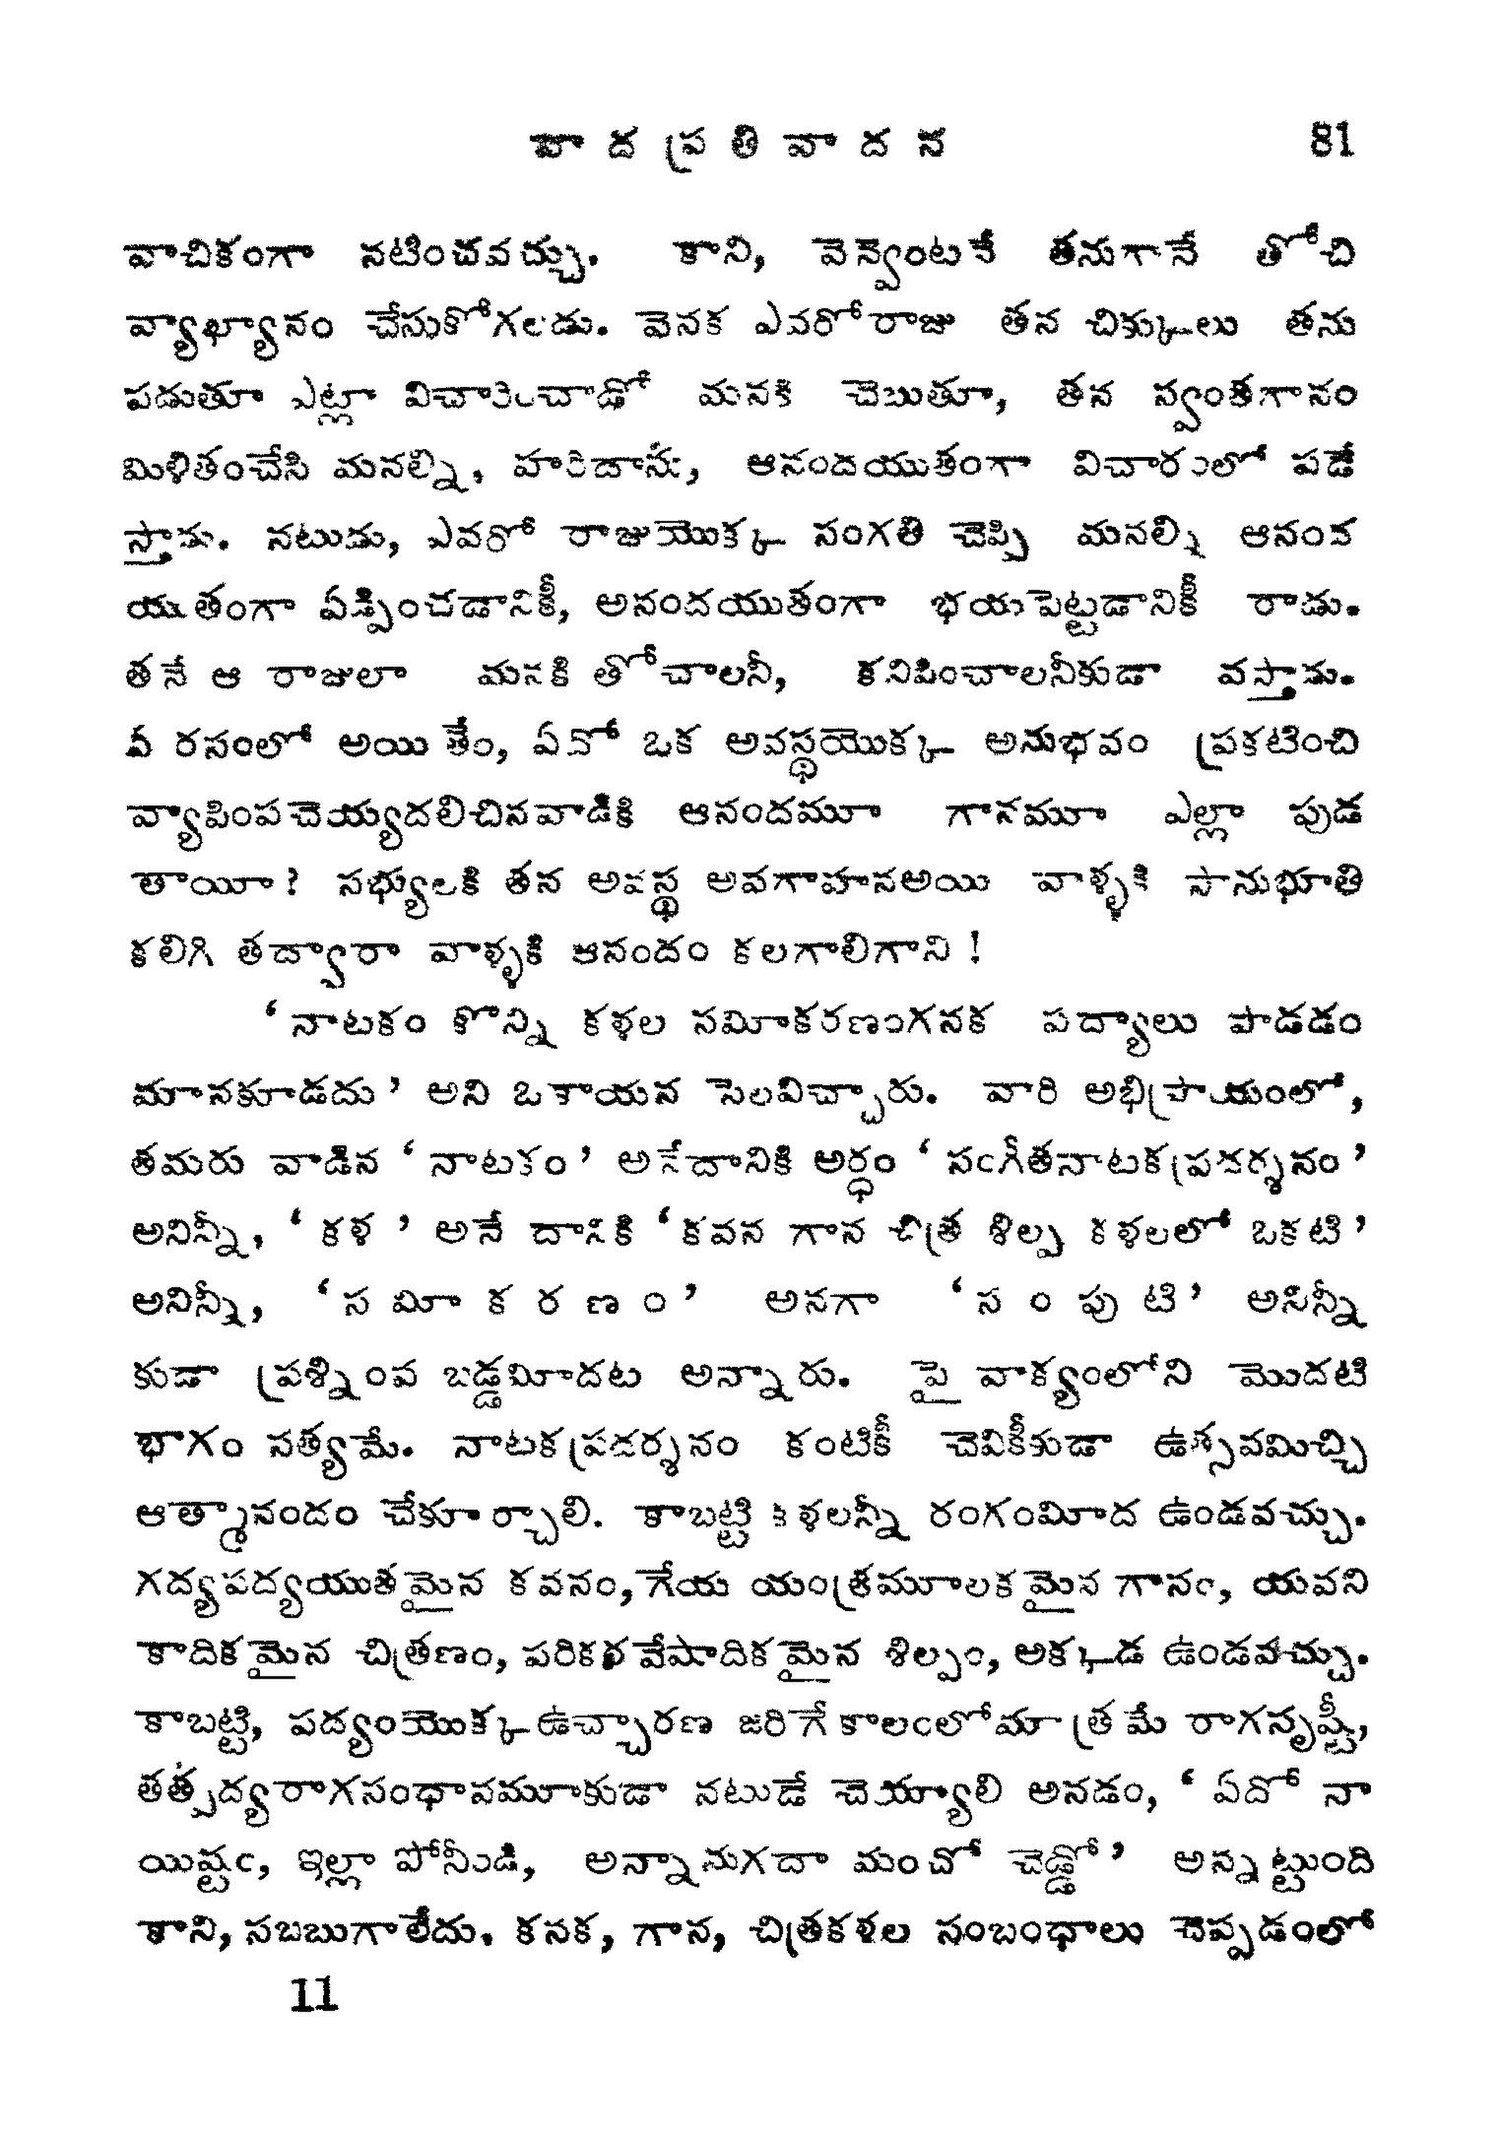వాచికంగా నటించవచ్చు. కాని, వెన్వెంటనే తనుగానే తోచి
వ్యాఖ్యానం చేసుకోగలడు. వెనక ఎవరోరాజు తన చిక్కులు తను
పడుతూ ఎట్లా విచారించాడో మనకి చెబుతూ, తన స్వంతగానం
మిళితంచేసి మనల్ని, హరిదాసు, ఆనందయుతంగా విచారంలో పడే
స్తాడు. నటుడు, ఎవరో రాజుయొక్క సంగతి చెప్పి మనల్ని ఆనంద
యుతంగా ఏడ్పించడానికీ, అనందయుతంగా భయపెట్టడానికి రాడు.
తనే ఆ రాజులా మనకి తోచాలనీ, కనిపించాలనీకుడా వస్తాను.
ఏ రసంలో అయితేం, ఏదో ఒక అవస్థయొక్క అనుభవం ప్రకటించి
వ్యాపింప చెయ్యదలిచినవాడికి ఆనందమూ గానమూ ఎల్లా పుడ
తాయీ? సభ్యులకి తన అవస్థ అవగాహనఅయి వాళ్ళకి సానుభూతి
కలిగి తద్వారా వాళ్ళకి ఆనందం కలగాలిగాని !

'నాటకం కొన్ని కళల సమీకరణంగనక పద్యాలు పాడడం
మానకూడదు' అని ఒకాయన సెలవిచ్చారు. వారి అభిప్రాయంలో,
తమరు వాడిన ' నాటకం ' అనేదానికి అర్ధం ' సంగీతనాటకప్రదర్శనం'
అనిన్నీ, ' కళ ' అనే దానికి 'కవన గాన చిత్ర శిల్ప కళలలో ఒకటి '
అనిన్నీ, 'సమీకరణం' అనగా 'సంపుటి ' అనిన్నీ
కుడా ప్రశ్నింప బడ్డమీదట అన్నారు. పై వాక్యంలోని మొదటి
భాగం సత్యమే. నాటకప్రదర్శనం కంటికీ చెవికీకుడా ఉత్సవమిచ్చి
ఆత్మానందం చేకూర్చాలి. కాబట్టి కళలన్నీ రంగంమీద ఉండవచ్చు.
గద్యపద్యయుతమైన కవనం, గేయ యంత్రమూలకమైన గానం, యవని
కాదికమైన చిత్రణం, పరికళవేషాదికమైన శిల్పం, అక్కడ ఉండవచ్చు.
కాబట్టి, పద్యంయొక్కఉచ్చారణ జరిగేకాలంలో మాత్రమే రాగసృష్టీ,
తత్పద్యరాగసంధానమూకుడా నటుడే చెయ్యాలి అనడం, ‘ఏదో నా
యిష్టం, ఇల్లా పోనీండి, అన్నానుగదా మంచో చెడ్డో' అన్నట్టుంది
కాని, సబబుగాలేదు, కనక, గాన, చిత్రకళల సంబంధాలు చెప్పడంలో